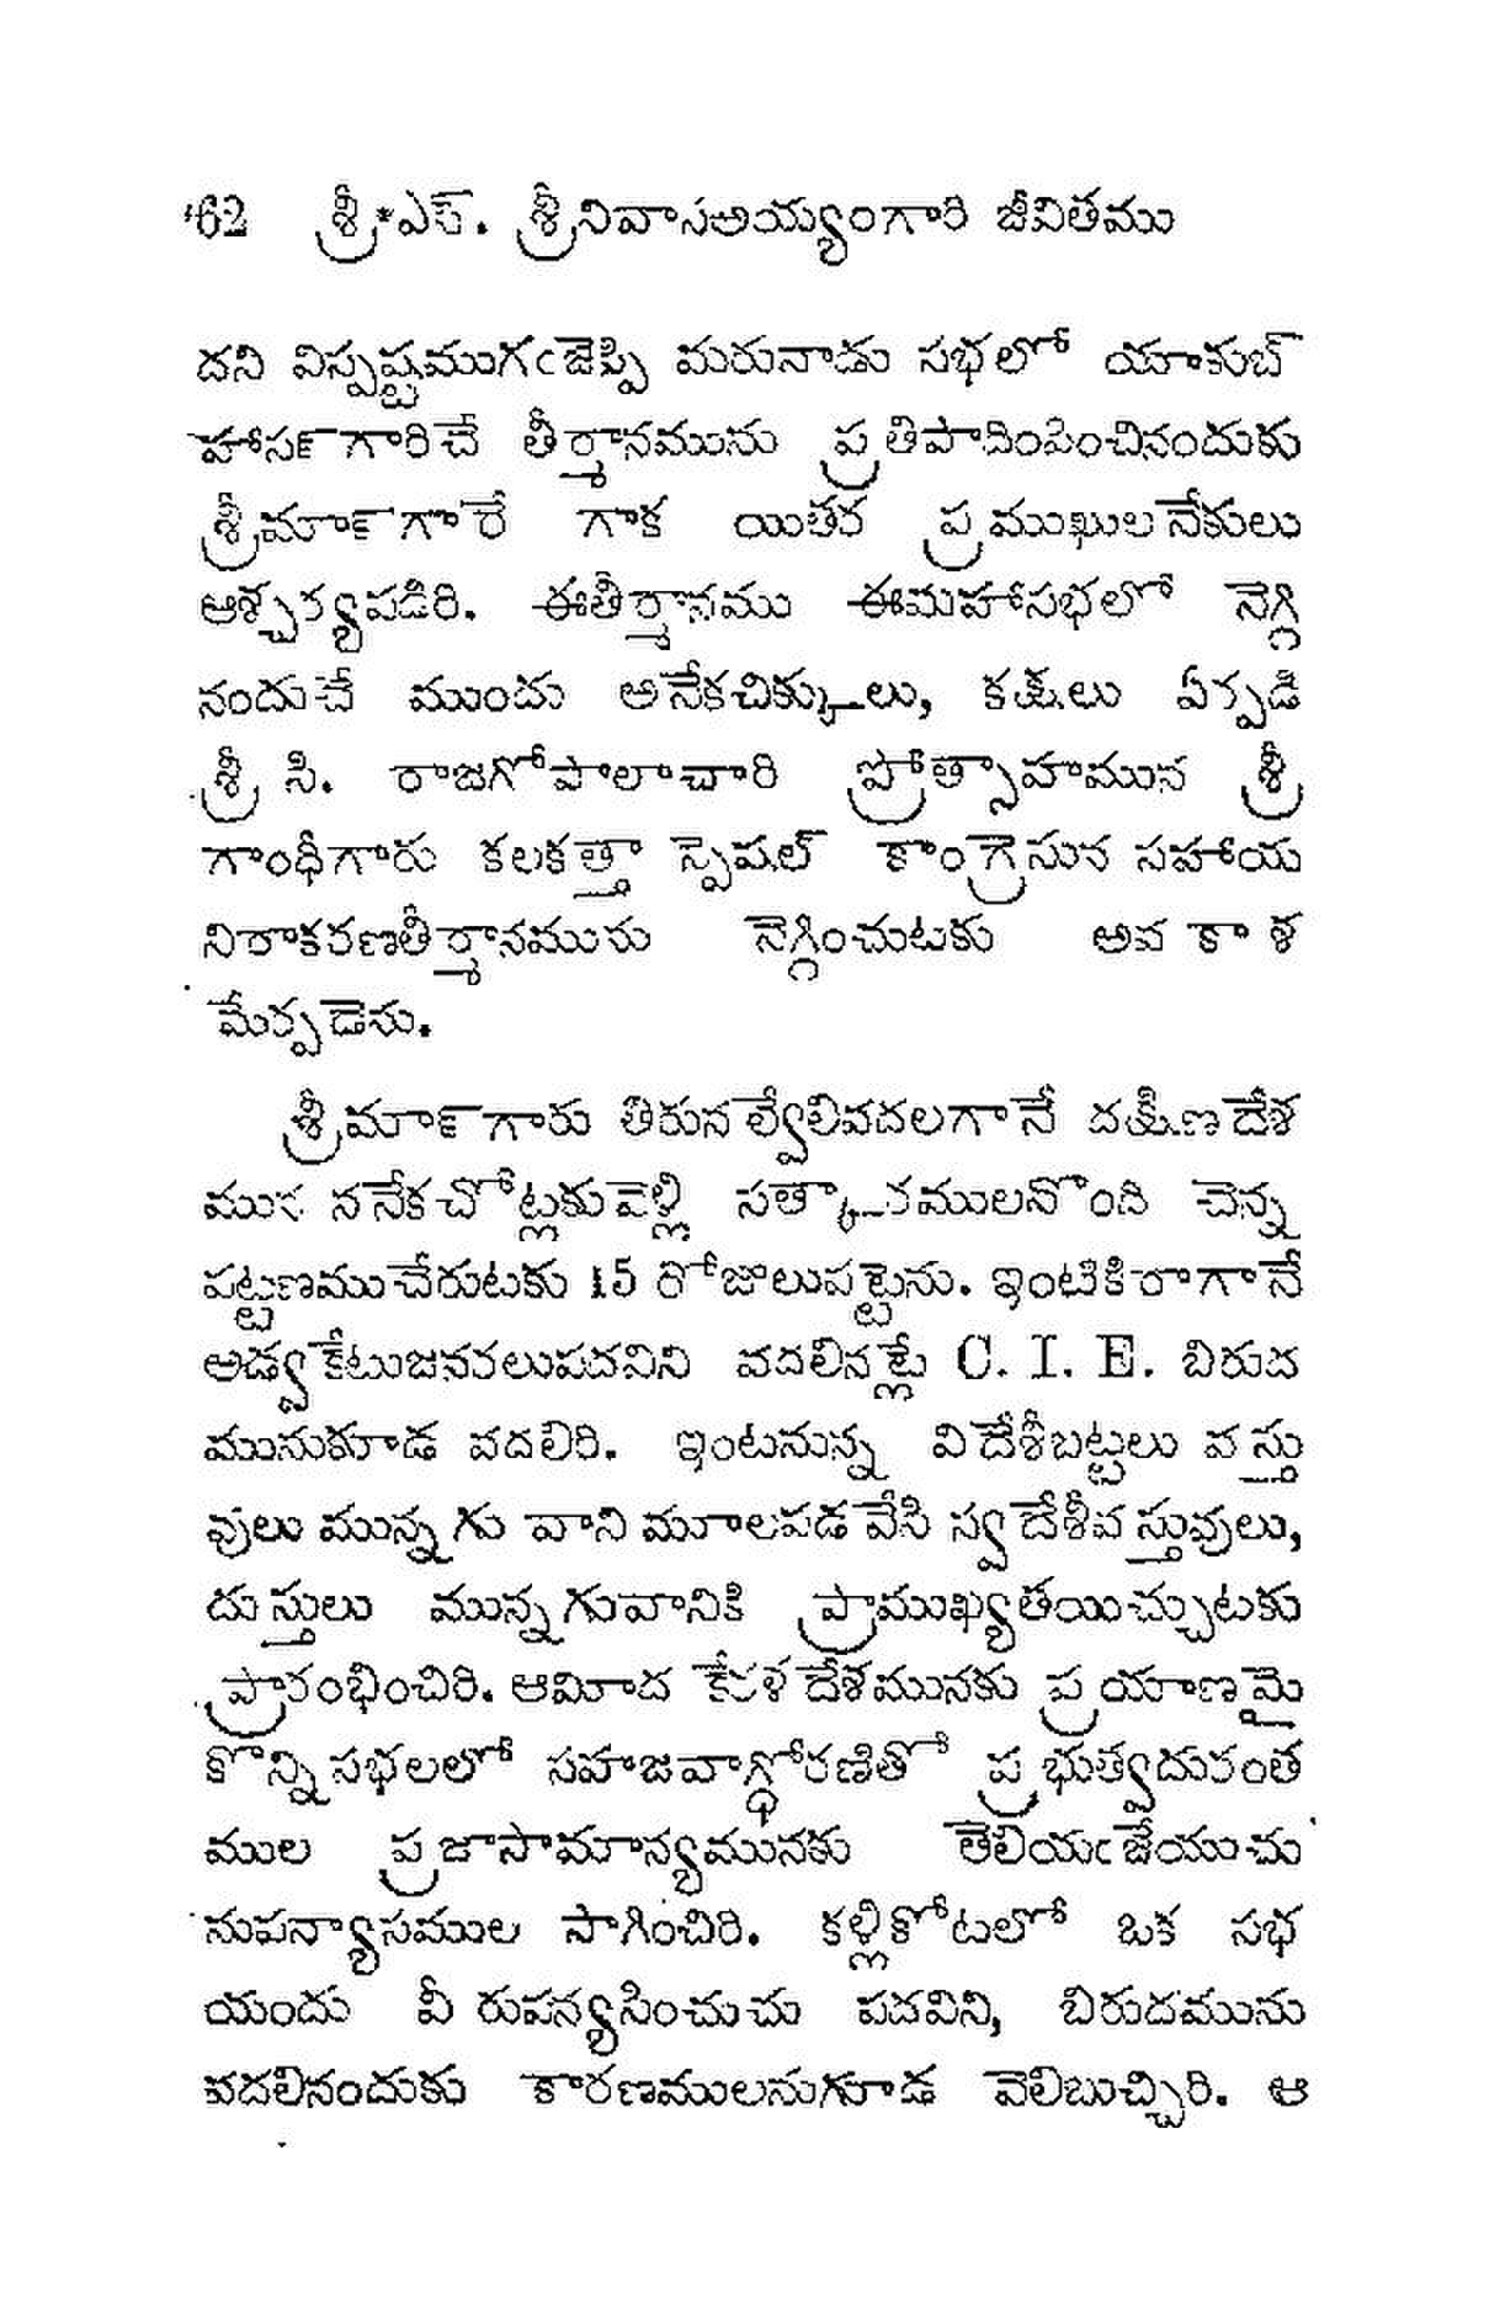దని విస్పష్టముగఁజెప్పి మరునాడు సభలో యాకుబ్ హాస౯గారిచే తీర్మానమును ప్రతిపాదింపించినందుకు శ్రీమా౯గారే గాక యితర ప్రముఖులనేకులు ఆశ్చర్యపడిరి. ఈతీర్మానము ఈమహాసభలో నెగ్గి నందుచే ముందు అనేకచిక్కులు, కక్షలు ఏర్పడి శ్రీ సి. రాజగోపాలాచారి ప్రోత్సాహమున శ్రీగాంధీగారు కలకత్తా స్పెషల్ కాంగ్రెసున సహాయ నిరాకరణతీర్మానమును నెగ్గించుటకు అవకాశ మేర్పడెను.

శ్రీమా౯గారు తిరునల్వేలివదలగానే దక్షిణదేశమున ననేకచోట్లకువెళ్లి సత్కారములనొంది చెన్నపట్టణముచేరుటకు 15 రోజులుపట్టెను. ఇంటికిరాగానే అడ్వకేటుజనరలుపదవిని వదలినట్లే C. I. E. బిరుదముసుకూడ వదలిరి. ఇంటనున్న విదేశీబట్టలు వస్తువులు మున్నగు వాని మూలపడవేసి స్వదేశీవస్తువులు, దుస్తులు మున్నగువానికి ప్రాముఖ్యతయిచ్చుటకు ప్రారంభించిరి. ఆమీద కేరళదేశమునకు ప్రయాణమై కొన్నిసభలలో సహజవాగ్ధోరణితో ప్రభుత్వదురంతముల ప్రజాసామాన్యమునకు తెలియఁజేయుచు నుపన్యాసముల సాగించిరి. కళ్లికోటలో ఒక సభ యందు వీ రుపన్యసించుచు పదవిని, బిరుదమును వదలినందుకు కారణములనుగూడ వెలిబుచ్చిరి.